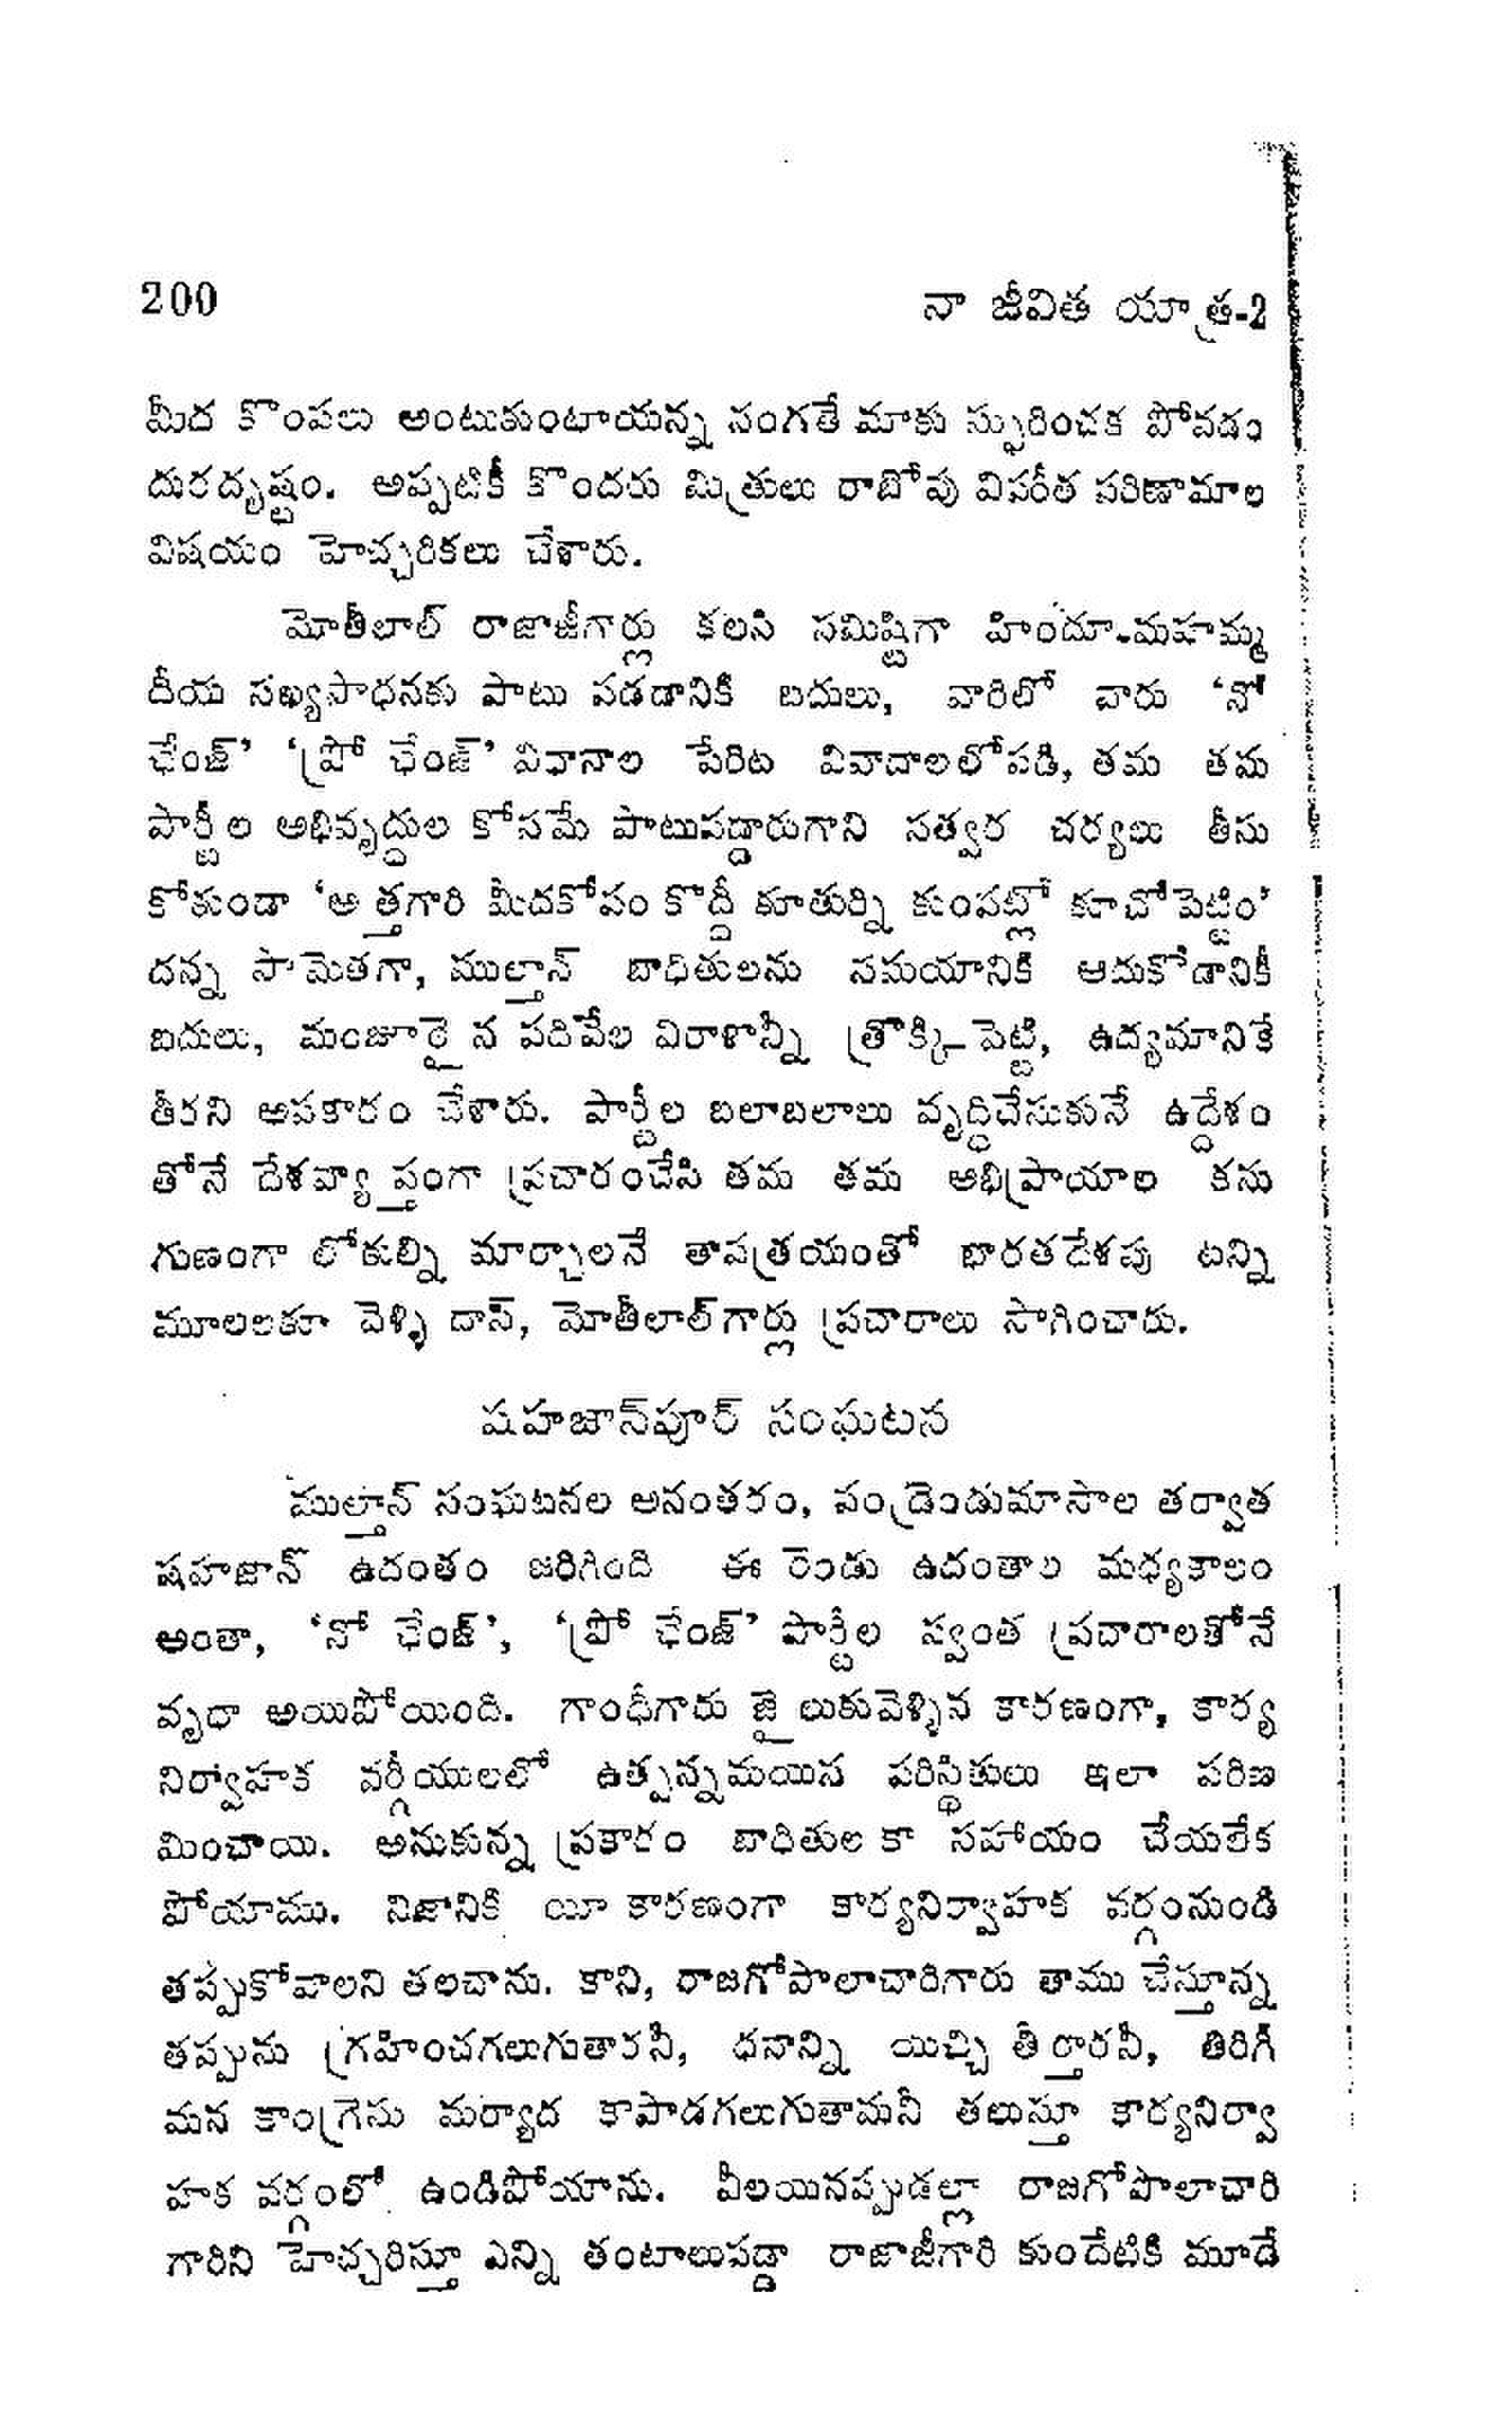మీద కొంపలు అంటుకుంటాయన్న సంగతే మాకు స్ఫురించక పోవడం దురదృష్టం. అప్పటికీ కొందరు మిత్రులు రాబోవు విపరీత పరిణామాల విషయం హెచ్చరికలు చేశారు.

మోతిలాల్ రాజాజీగార్లు కలిసి సమిష్టిగా హిందూ-మహమ్మదీయ సఖ్యసాధనకు పాటు పడడానికి బదులు, వారిలో వారు "నో చేంజ్" "ప్రో చేంజ్" విధానాల పేరిట వివాదాలలోపడి, తమ తమ పార్టీల అభివృద్దుల కోసమే పాటుపడ్డారు గాని సత్వర చర్యలు తీసుకోకుండా "అత్తగారి మీదకోపం కొద్దీ కూతుర్ని కుంపట్లో కూచోపెట్టిం"దన్న సామెతగా, ముల్తాన్ బాధితులను సమయానికి ఆదుకోడానికి బదులు, మంజూరైన పదివేల విరాళాన్నీ త్రొక్కిపెట్టి, ఉద్యమానికే తీరని అపకారం చేశారు. పార్టీల బలాబలాలు వృద్దిచేసుకునే ఉద్దేశంతోనే దేశవ్యాప్తంగా ప్రచారంచేసి తమ తమ అభిప్రాయాల కను గుణంగా లోకుల్ని మార్చాలనే తాపత్రయంతో భారతదేశపు టన్ని మూలలకూ వెళ్ళి దాస్, మోతీలాల్‌గార్లు ప్రచారాలు సాగించారు.

ముల్తాన్ సంఘటనల అనంతరం, పండ్రెండుమాసాల తర్వాత షహజాన్ ఉదంతం జరిగింది ఈ రెండు ఉదంతాల మధ్యకాలం అంతా, "నో చేంజ్", "ప్రో ఛేంజ్" పార్టీల స్వంత ప్రచారాలతోనే వృధా అయిపోయింది. గాంధీగారు జైలుకువెళ్ళిన కారణంగా, కార్యనిర్వాహక వర్గీయులలో ఉత్పన్నమయిన పరిస్థితులు ఇలా పరిణమించాయి. అనుకున్న ప్రకారం బాదితుల కా సహాయం చేయలేక పోయాము. నిజానికి యీ కారణంగా కార్యనిర్వాహక వర్గంనుండి తప్పుకోవాలని తలచాను. కాని, రాజగోపాలాచారిగారు తాము చేస్తున్న తప్పును గ్రహించగలుగుతారనీ, దనాన్ని యిచ్చి తీర్తారనీ, తిరిగీ మన కాంగ్రెసు మర్యాద కాపాడగలుగుతామనీ తలుస్తూ కార్యనిర్వాహక వర్గంలో ఉండిపోయాను. వీలయినప్పుడల్లా రాజగోపాలాచారిగారిని హెచ్చరిస్తూ ఎన్ని తంటాలుపడ్డా రాజాజిగారి కుందేటికి మూడే